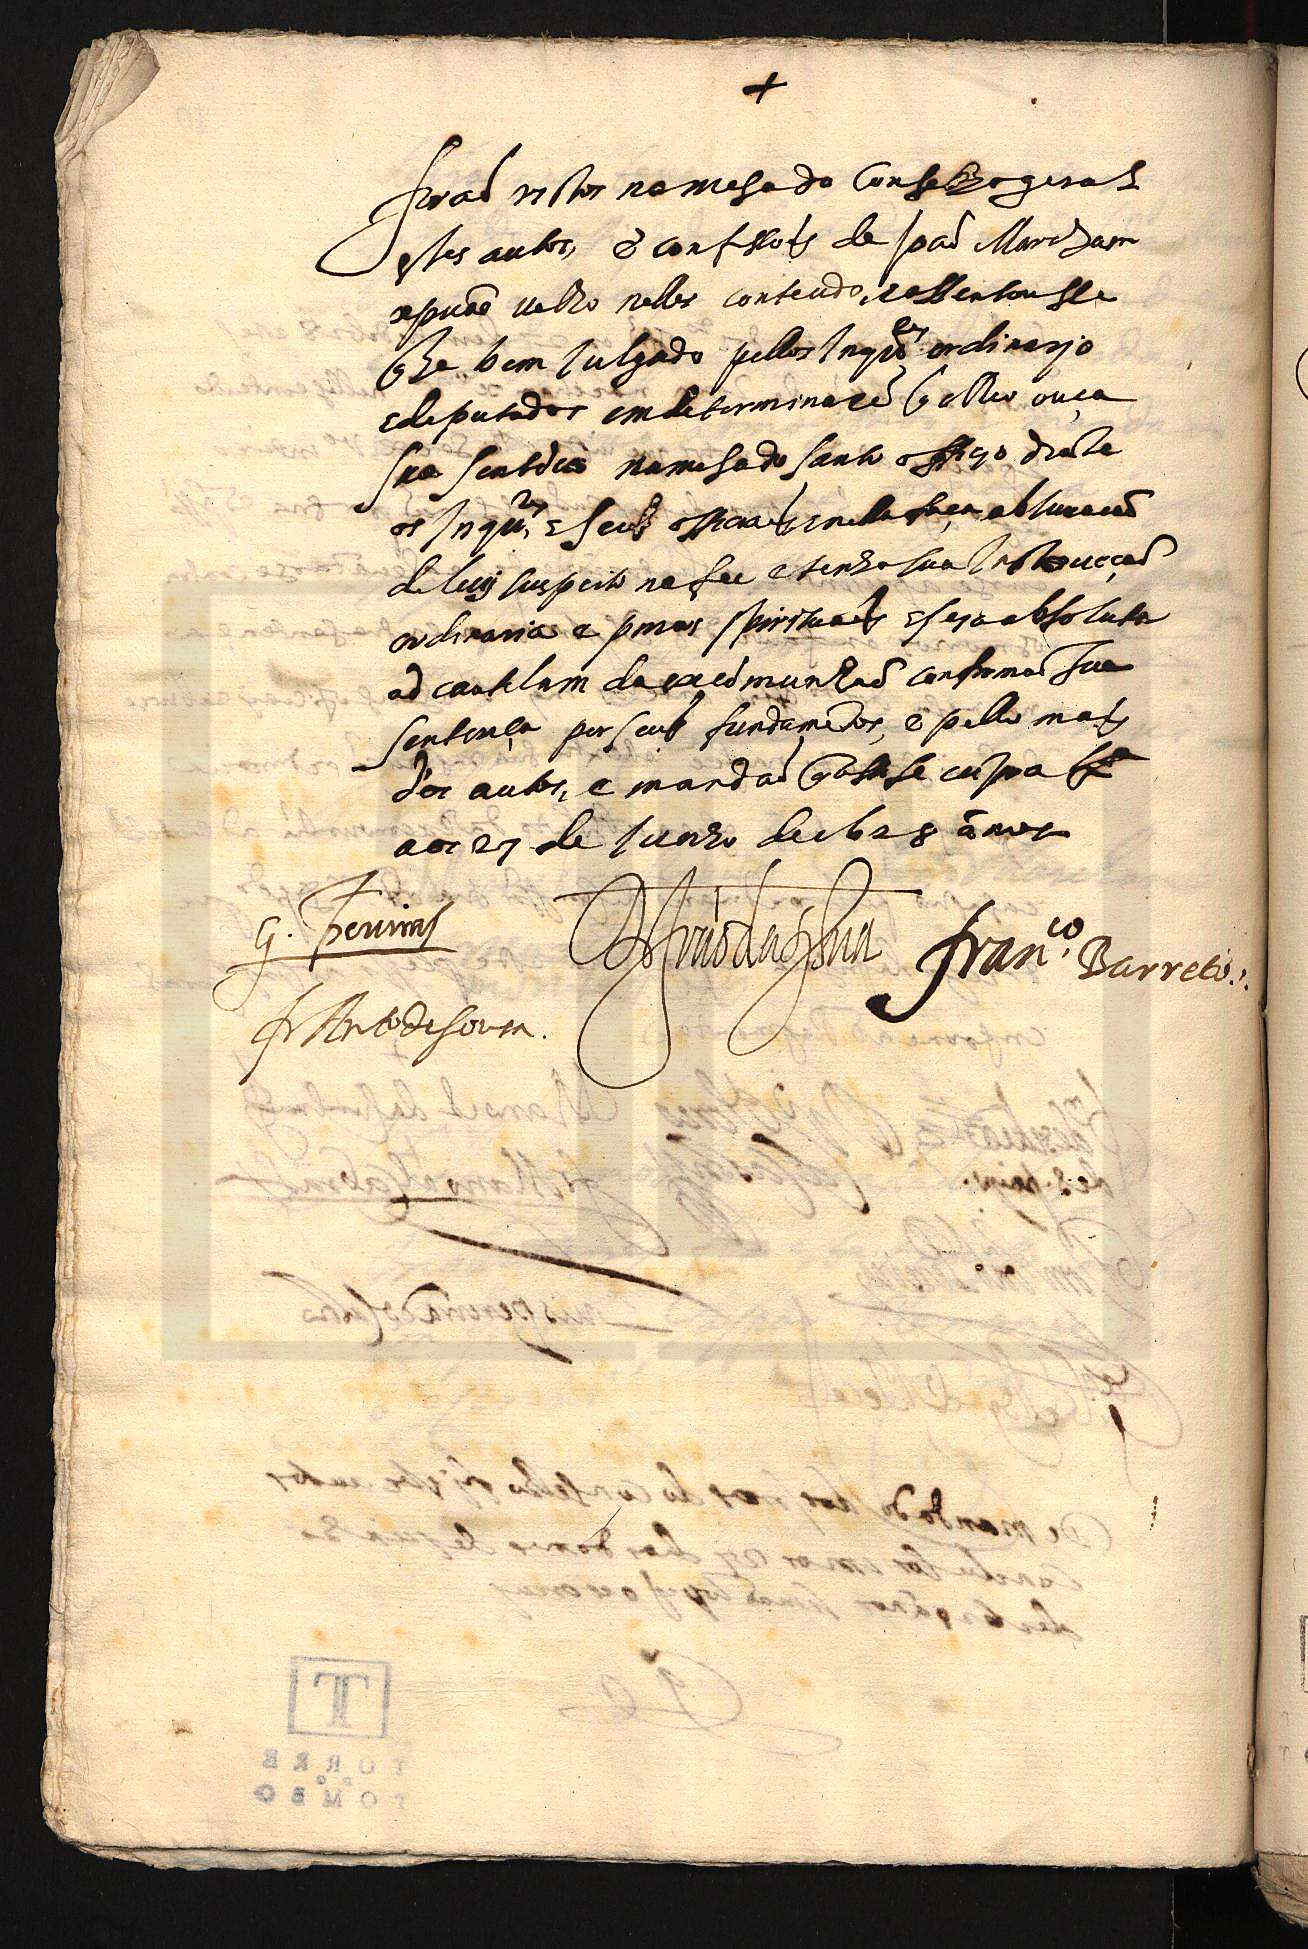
foraõ vistos na mesa do Conselho geral
estes autos, e confissoẽs de Joaõ Marcham
xpuão uelho nelles conteudo, e assentousse
q̄ he bem Iulgado pellos Inqures ordinarjo
E deputados em determinarē q̄ o Reo ouça
sua sentēça na mesa do santo officjo diāte
os Jnqures, E seus officiais E nella faça abIuraçaõ
de leuj suspeito na fee e tenha sua Instrucçaõ
ordinaria e penas spirituaes E seja absoluta
ad cautelam da excōmunhaõ confirmaõ sua
Sentença por seus fundamētos, e pello mais
dos autos, e mandaõ q̄ assi se cūpra lxa
aos 27 de Iunho de 1628 ānos
G. pereira
D. João da Sjlua
fran.co Barreto
fr Anto de sousa
